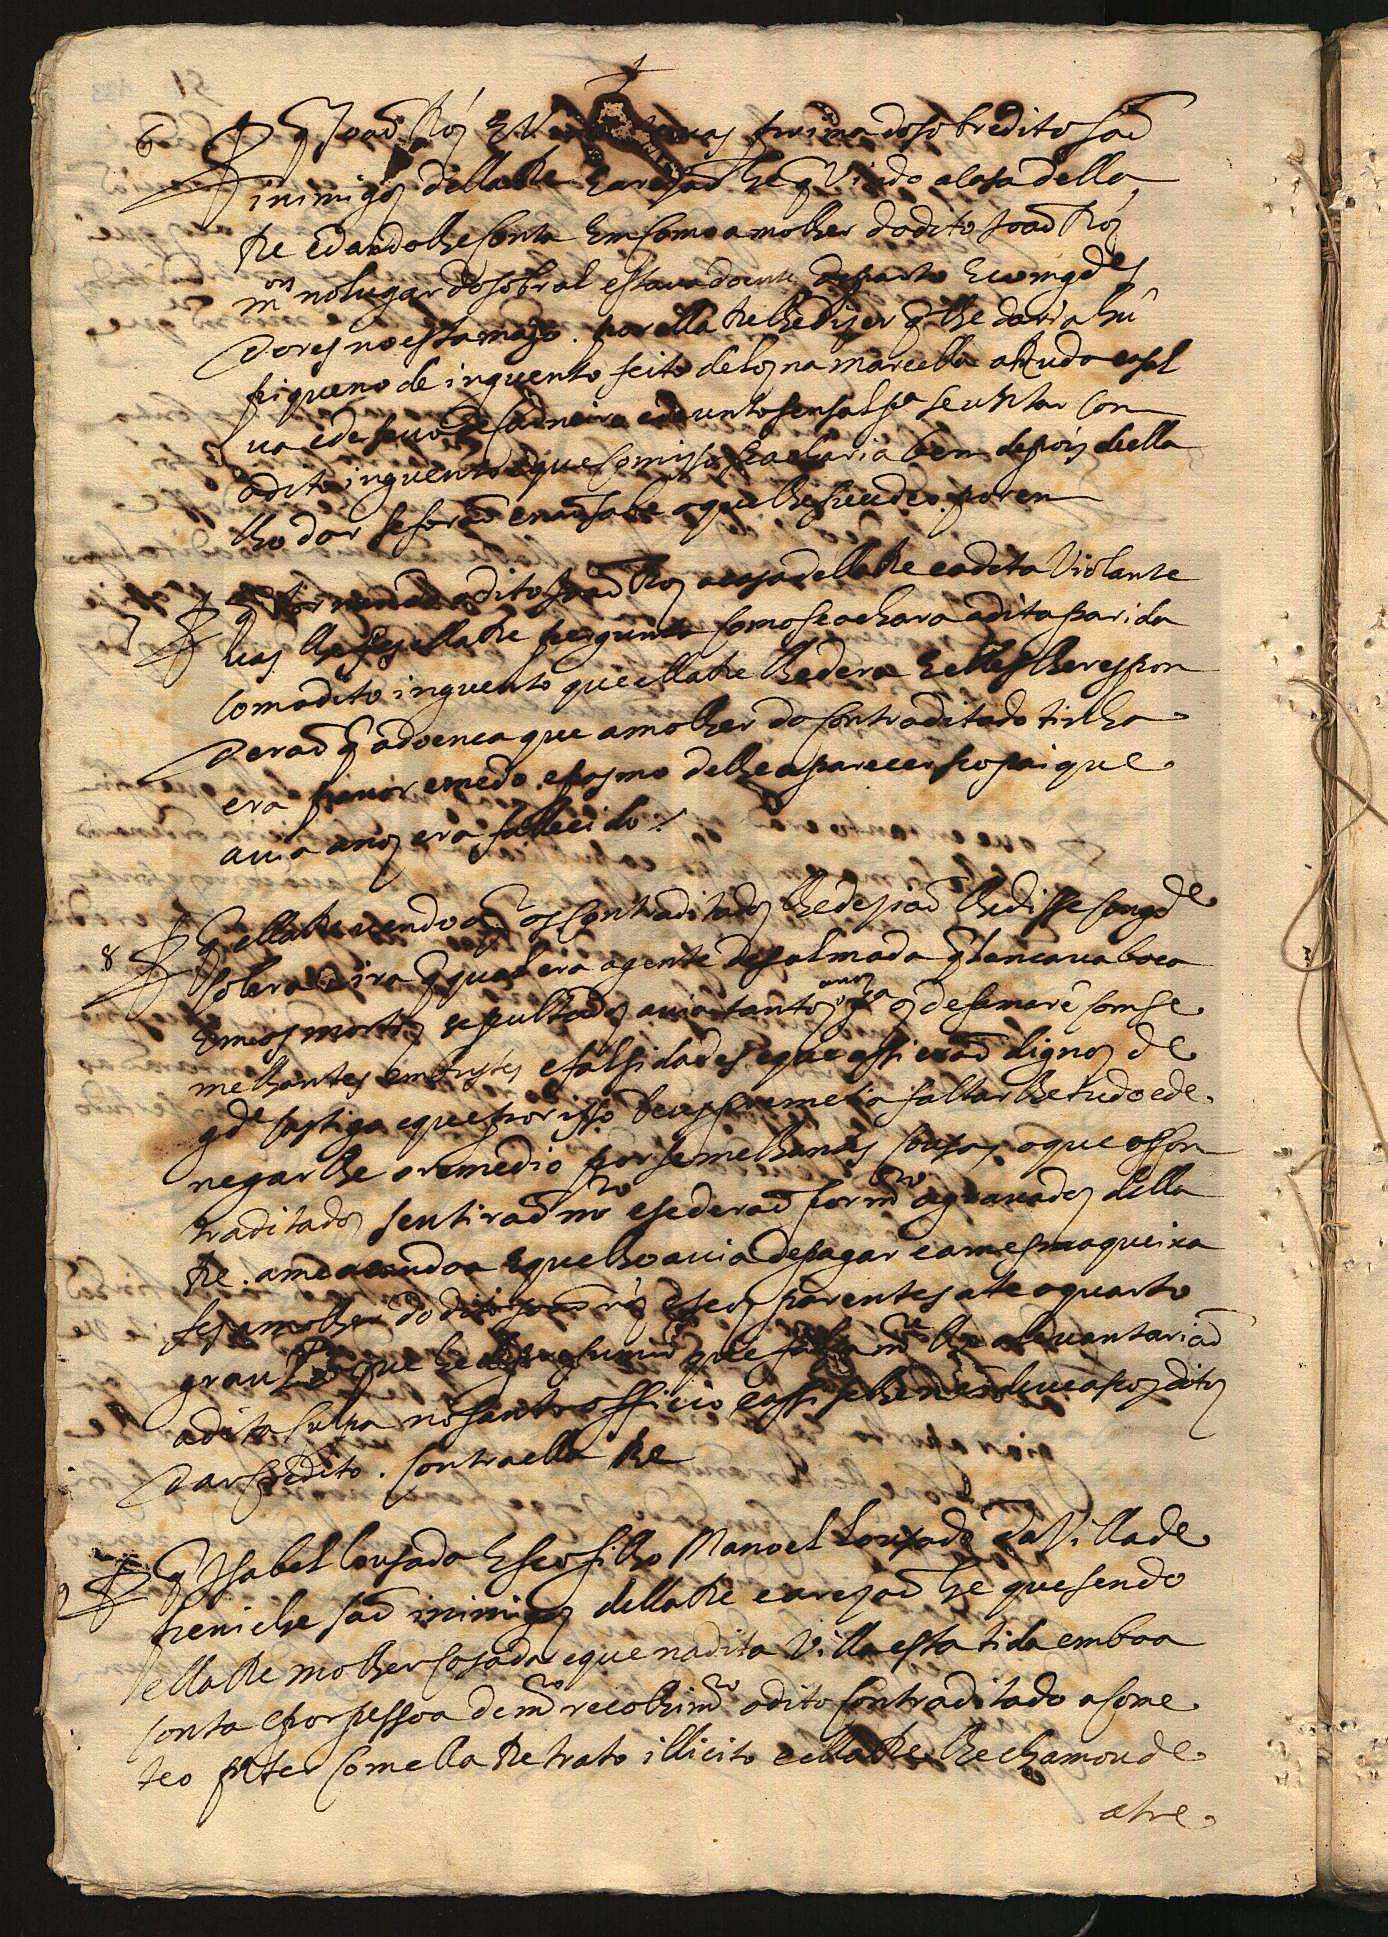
6. Ꝓ q̄ Joaõ Roz̄ E Viol_te uas prima do sobredito saõ
inimigos della Re E a rezão he q̄ Vindo a casa della,
Re e dandolhe Conta Em Como a molher do dito Joaõ Roz̄
mors no lugar do sobral estaua doente de parto E com gdes
dores no estamago por ella Re lhe dizer q̄ lhe daria hū
piqueno de inguento feito de lozna marcella aRuda e sal
ua e de seuo de Carneiro e de unto sen sal pa se untar com
o dito inguento que Com isso se acharia bem depois de ella
lho dar se foraõ, e naõ sabe o que lhe sucedeo porem
7 Ꝓ q̄ tornando o dito Joaõ Roz̄ a casa della Re e a dita Violante
uas lhe fez ella Re pergunta Como se achara a dita parida
com o dito inguento que ella Re lhe dera E elles lhe respon
derão q̄ a doença que a molher do Contraditado tinha
era pauor e medo e pasmo de lhe aparecer seo pai que
auia anos era fallecido
8 Ꝓ q̄ ella Re uendo o q̄ os Contraditados lhe deziaõ lhe disse Con gde
Colera E ira q̄ qual era a gente desalmada q̄ lançaua boca
Em os mortos sepultados auia tantos anos pa os defamarē Com se
melhantes embustes e falsidades e que assi eraõ dignos de
gde Castigo e que por isso deus premeia faltar lhe tudo e de
negar lhe o remedio por semelhantes Cousas o que os Con
traditados sentirão m.to e se derão por mto agrauados della
Re ameaçandoa E que lhe auia de pagar e a mesma queixa
fes a molher do dito Joaõ roz̄ e seos parentes ate o quarto
grau Porque he de presumir que falsamte lhe leuantariaõ
a dita Culpa no santo officio e assi se lhe naõ deue a seos ditos
dar Credito. Contra ella Re
9 Ꝓ q̄ JsabeL lousada E seo filho Manoel Lousado da Villa de
peniche saõ inimigos della Re e a rezaõ he que sendo
ella Re molher Casada e que na dita Villa esta tida em boa
Conta e por pessoa mto recolhimto o dito Contraditado a Come
teo pa ter Com ella Re trato illicito e ella Re lhe chamou de
atre
